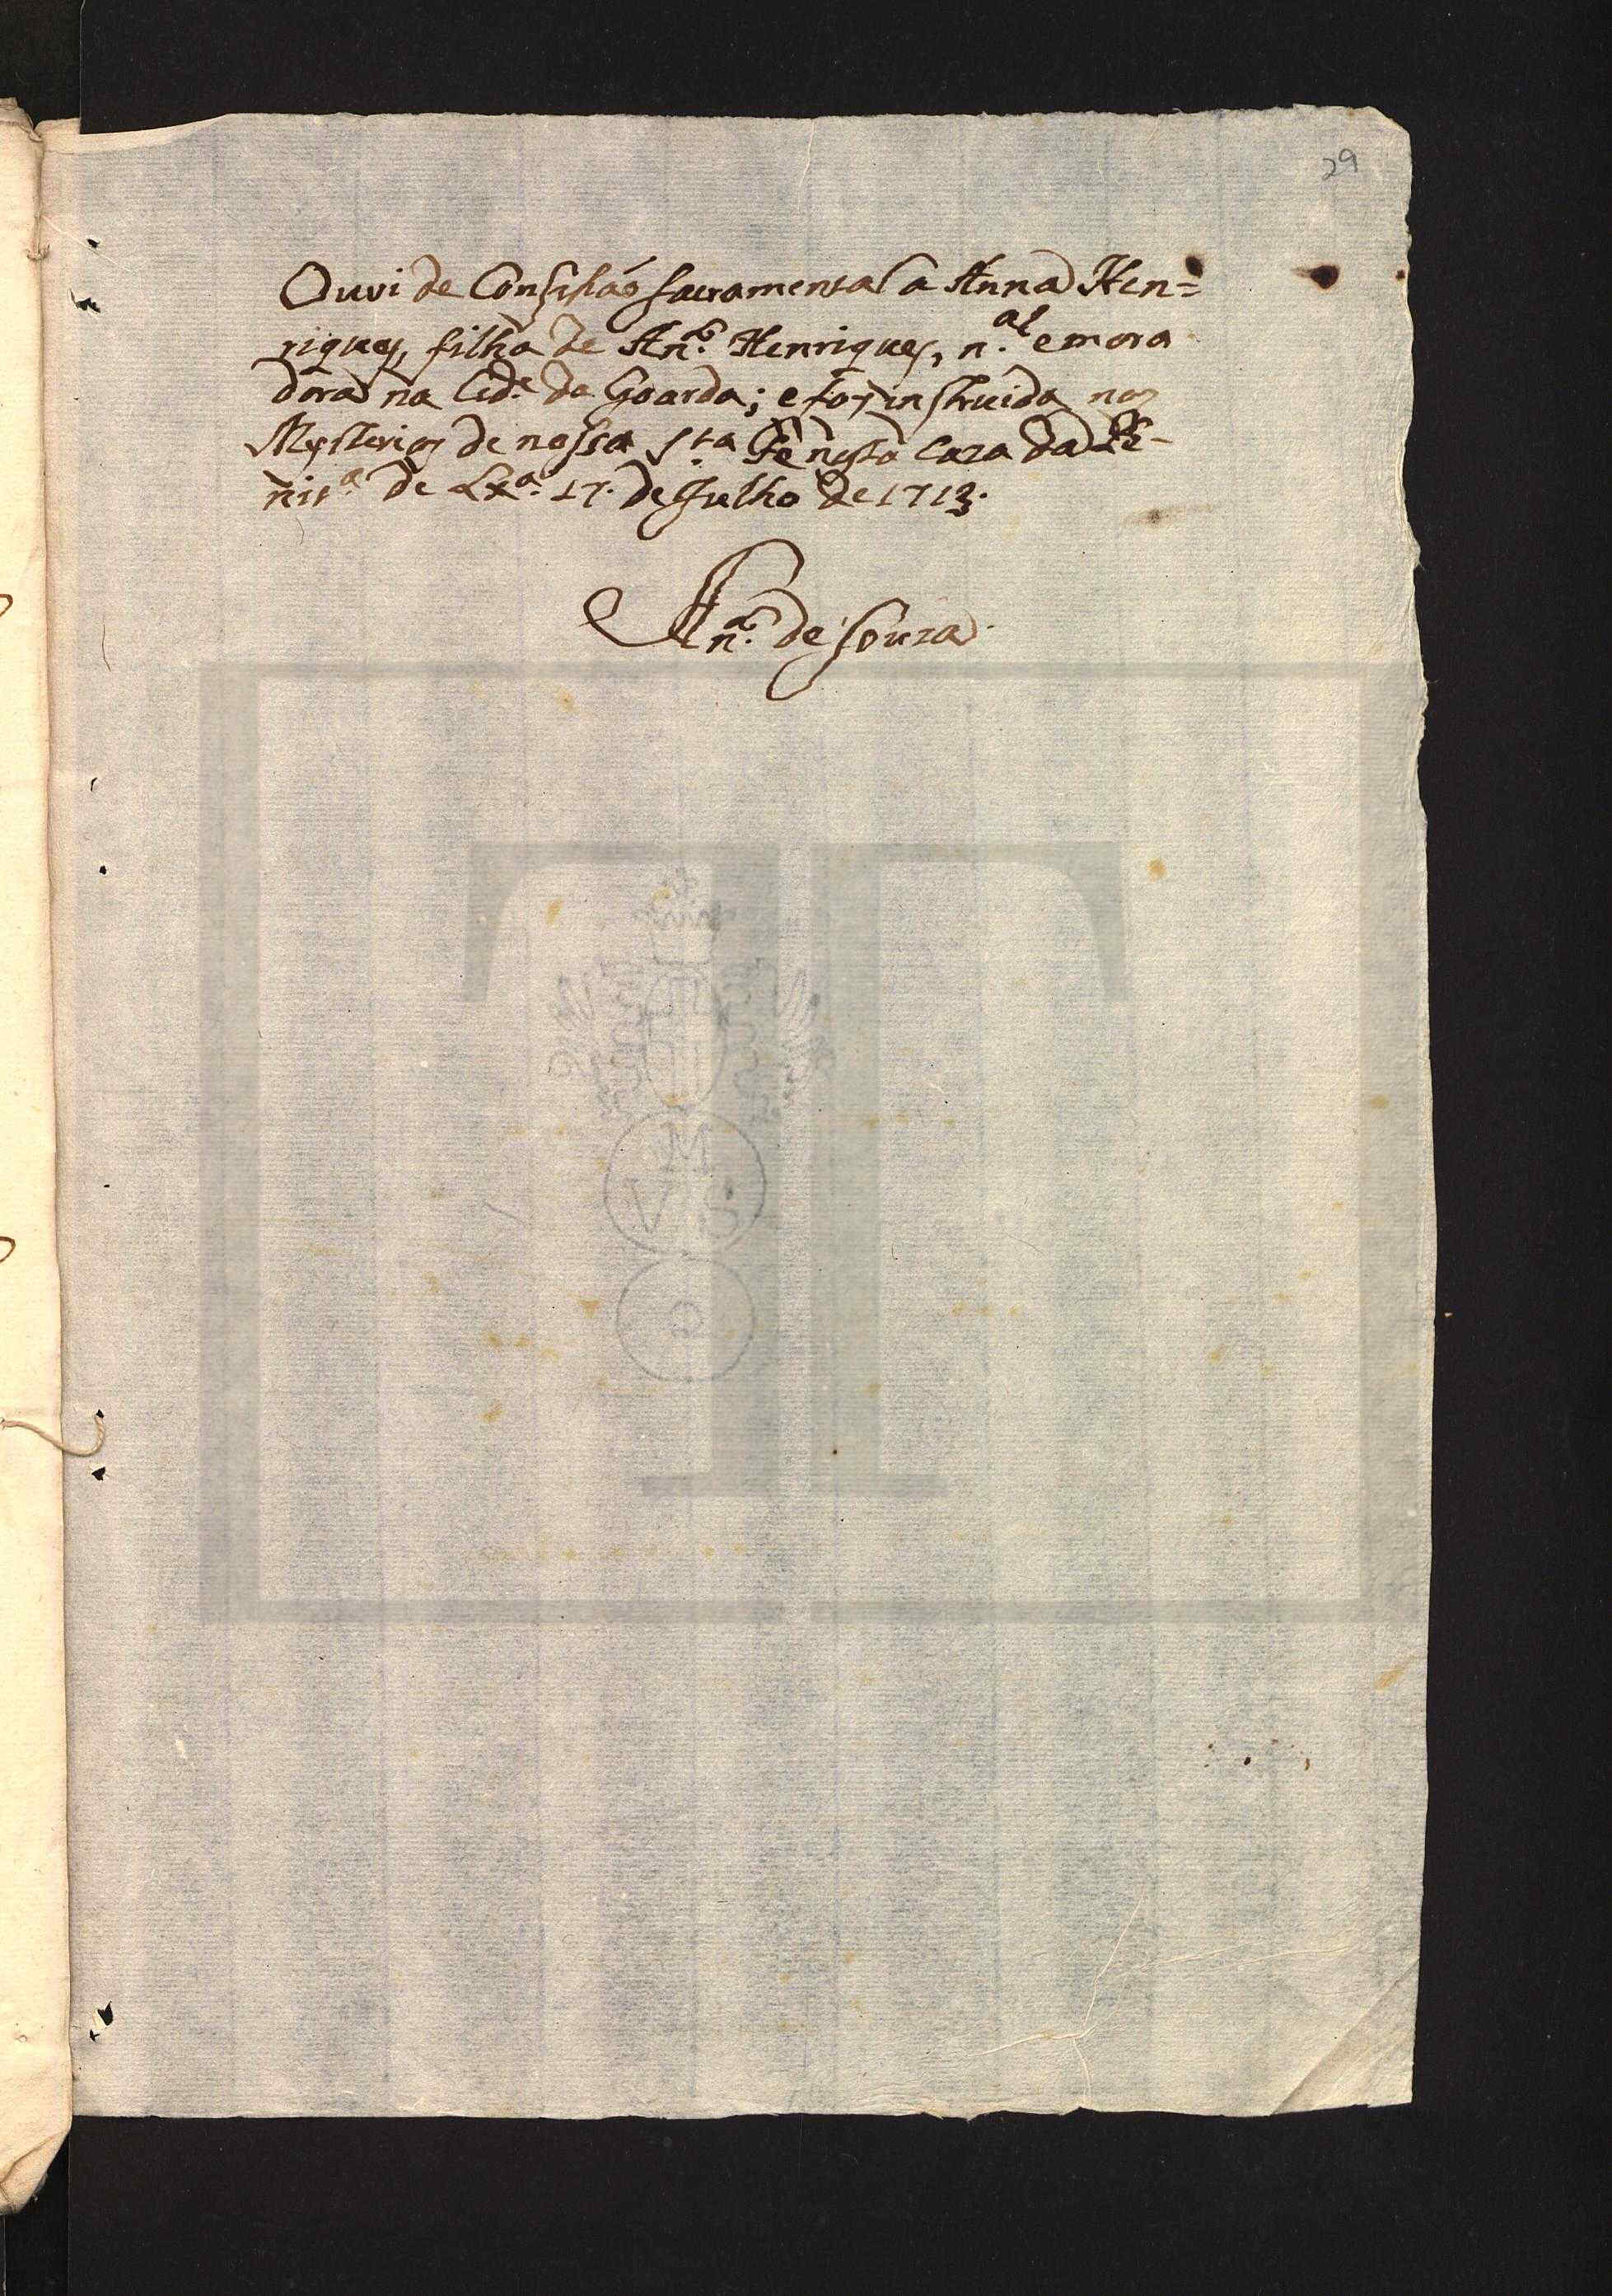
Ouvi de Confissaõ sacramental a Anna Hen
riques, filha de An.to Henriques, n.al e mora
dora na Cid.e da Guarda; e foy instruida nos
Mysterios de nossa s.ta Fé nesta caza da Pe
nit.a de Lxa. 17. de Julho de 1713.
An.to de souza
